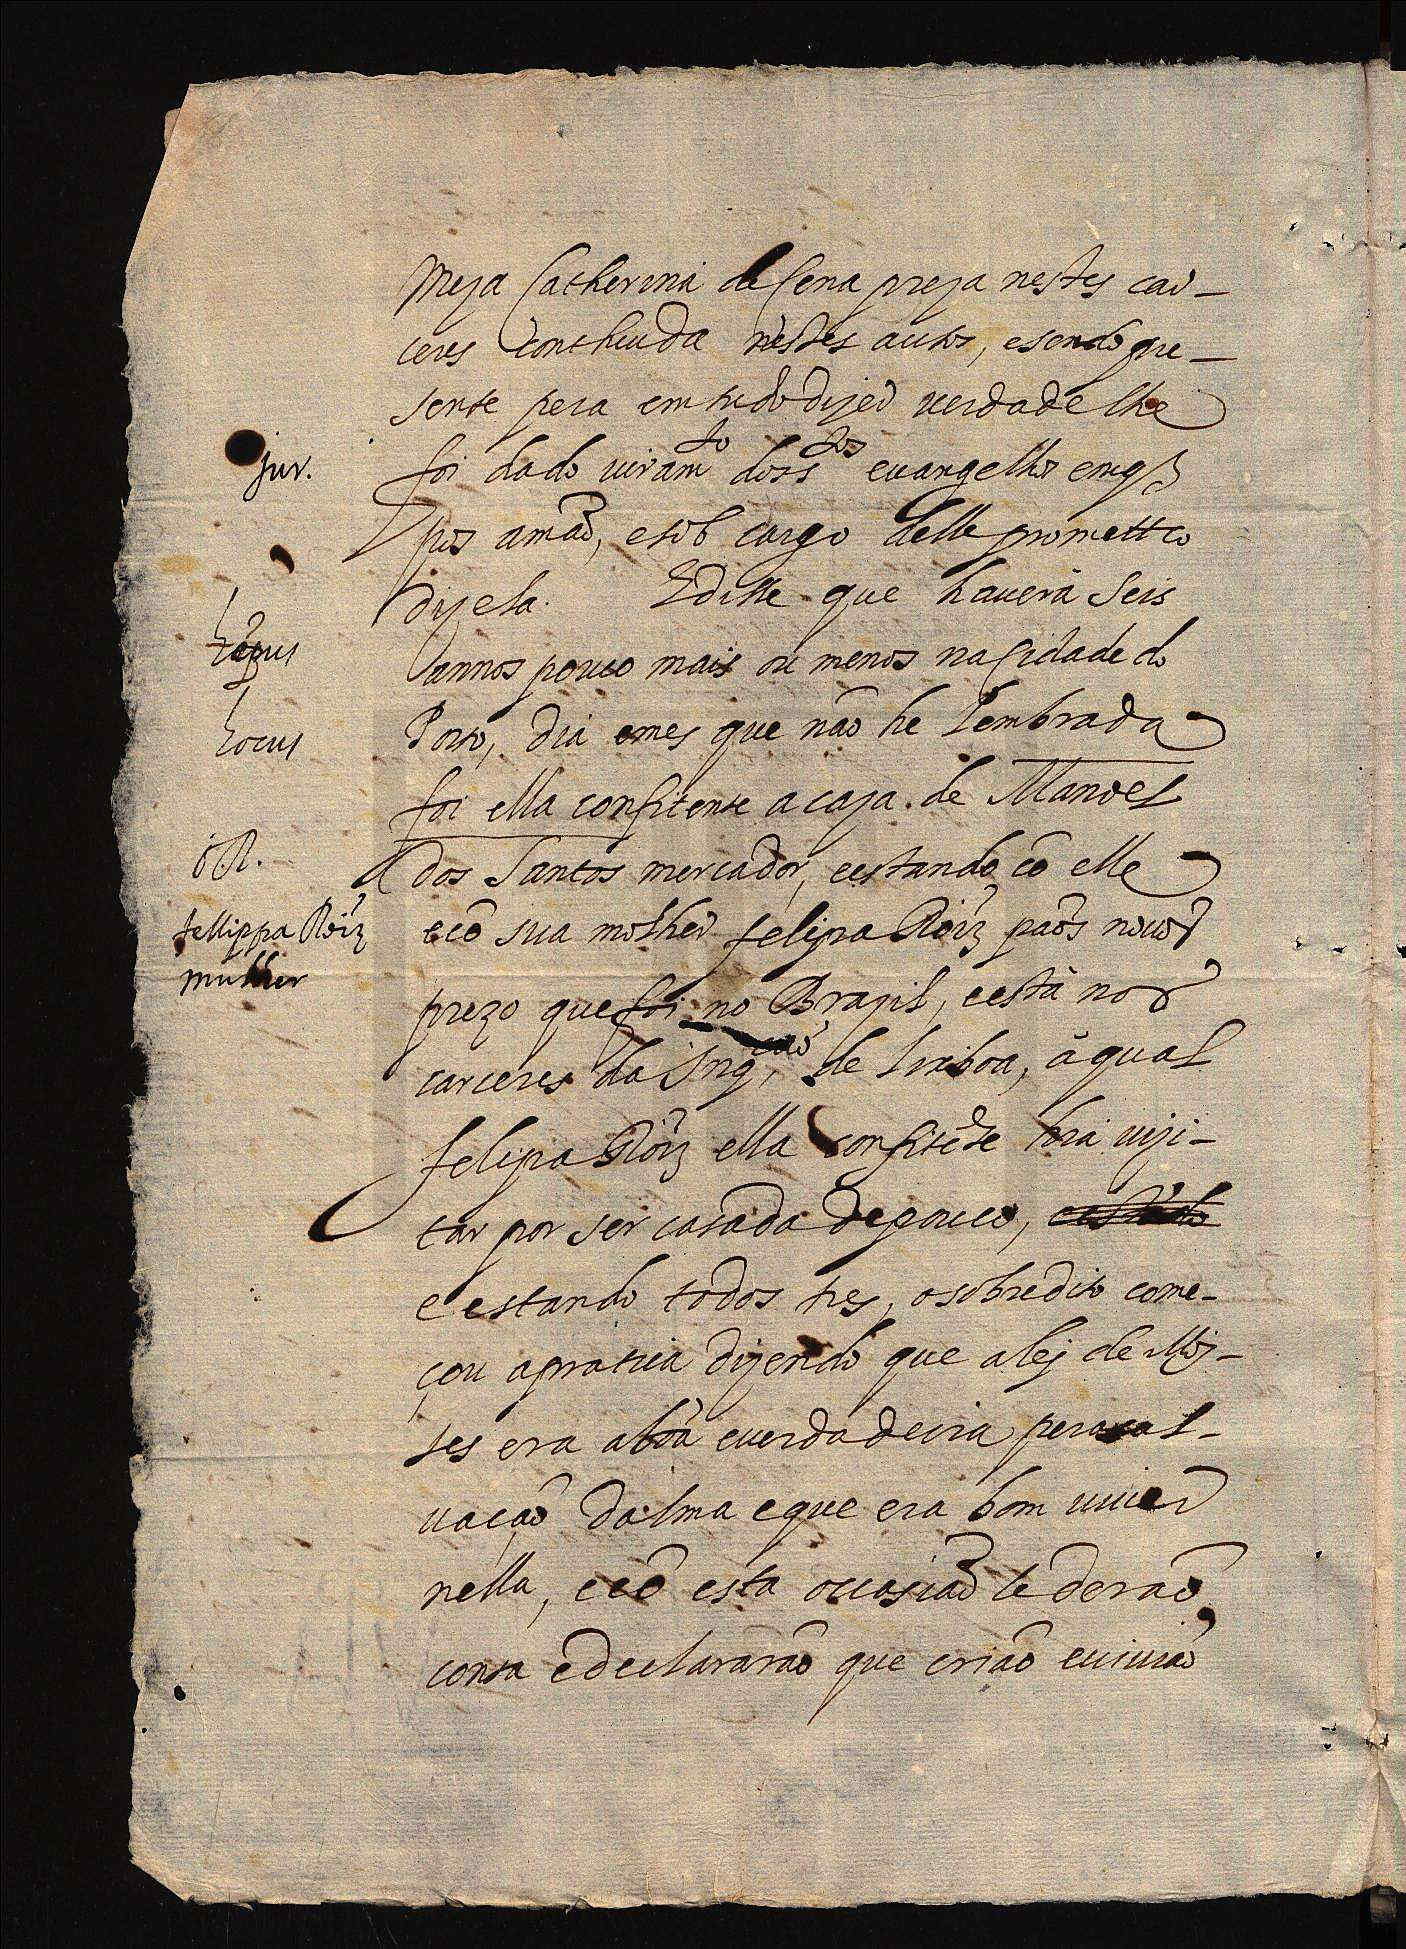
meza Catherina de Cena preza nestes car
ceres contheuda nestes autos, e sendo pre
sente pera em tudo dizer uerdade lhe
foi dado iuramto dos stos euangelhos em q̅
pos a mão, e sob cargo delle prometteo
dizela. E disse que hauera seis
annos pouco mais ou menos na Cidade do
Porto, dia e mes que não he lembrada
foi ella confitente a caza de Manoel
dos Santos mercador, e estando co̅ elle
e co̅ sua molher felipa Roiz̅ paõs nouos
prezo que foi no Brazil, e está nos
carceres da Inqcaõ de Lixboa, á qual
felipa Roiz̅ ella confite̅te hia uizi
tar por ser casada de pouco _
e estando todos tres, o sobredito come
çou a pratica dizendo que a lej de Moj
ses era a boa̅ e uerdadeira pera sal
uação dalma e que era bom uiuer
nella, e co̅ esta occasião se deraõ
conta e declararão que crião e uiuiaõ
